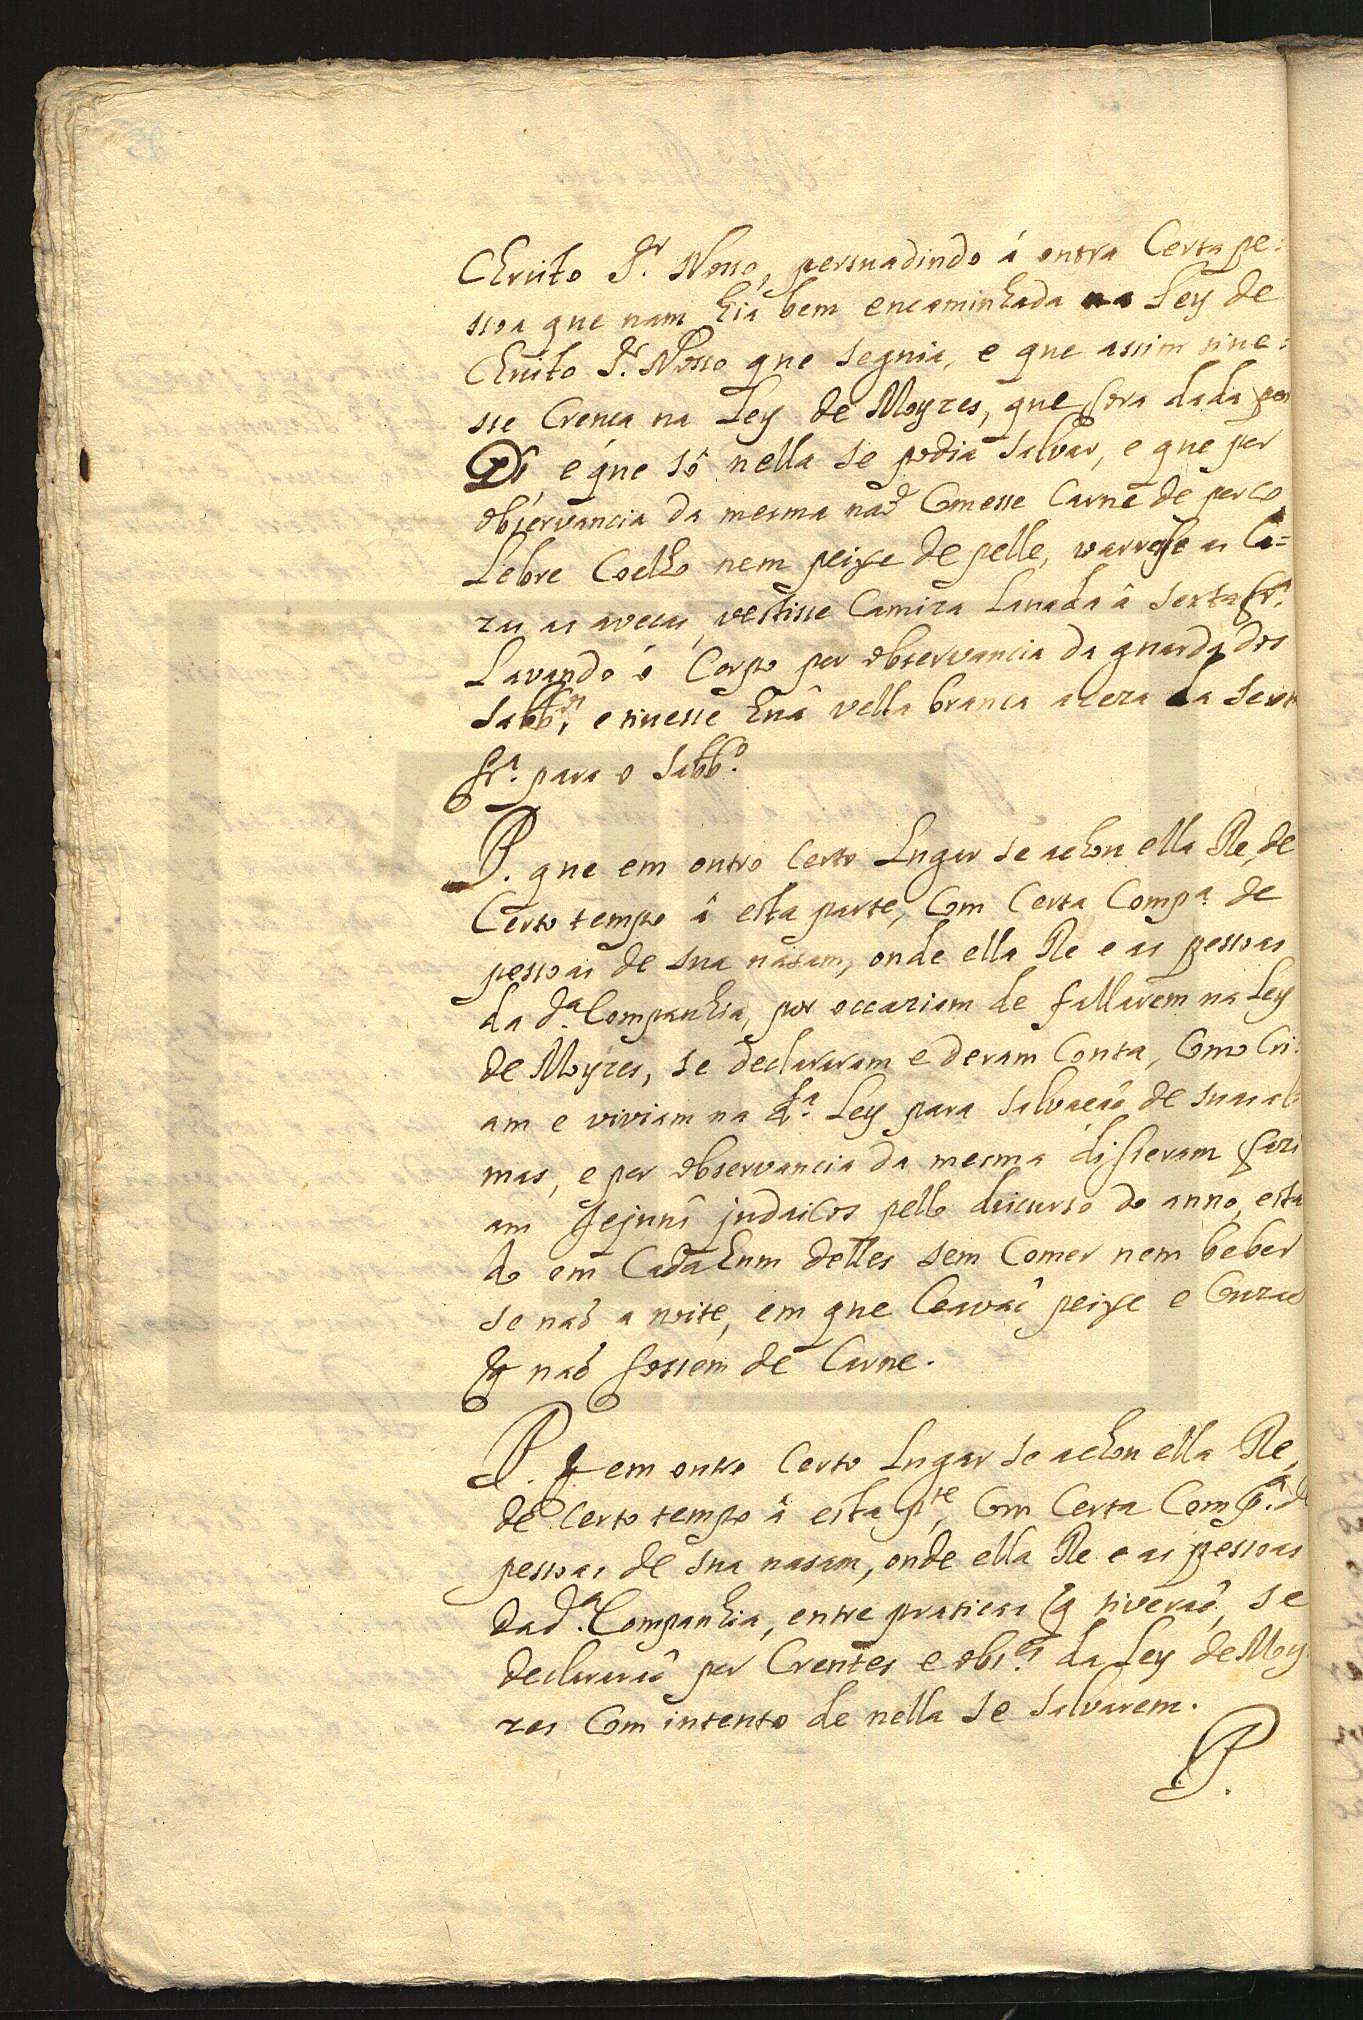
Christo s.or Nosso, persuadindo á outra Certa pe
ssoa que nam hia bem encaminhada na Ley de
Christo S.r Nosso que seguia, e que assim tiue
sse Crença na Ley de Moyzes, que fora dada por
Ds̄, e que só nella se podia salvar, e que per
observancia da mesma naõ Comesse Carne de porco
Lebre Coelho nem peixe de pelle, varresse as Ca
zas as aveças, vestisse Camiza lauada á sexta fr.a
Lavando o Corpo per observancia da guarda dos
sabb.os e tiuesse huā vella branca aceza da sext
fr.a para o sabb.o
P. que em outro certo Lugar se achou ella Re, de
Certo tempo á esta parte, com Certa Comp.a de
pessoas de sua nasam, onde ella Re e as pessoas
da d.a Companhia, por occaziam de fallarem na Ley
de Moyzes, se declararam e deram Conta, Como Cri
am e viviam na d̄a. Ley para salvaçaõ de suas al
mas, e por observancia da mesma disseram fazi
am Jejuns judaiCos pello discurso do anno, esta
do em Cada hum delles sem Comer nem beber
senaõ a noite, em que Ceavaõ peixe e Couzas
q̄ naõ fossem de Carne.
P. q em outro Certo Lugar se achou ella Re,
de certo tempo à esta pte, com Certa Comp.a d
pessoas de sua nasam, onde ella Re e as pessoas
da d.a Companhia, entre praticas q̄ tiveraõ, se
declararaõ por Crentes e obs.es da Ley de Moy
zes Com intento de nella se salvarem.
P.
